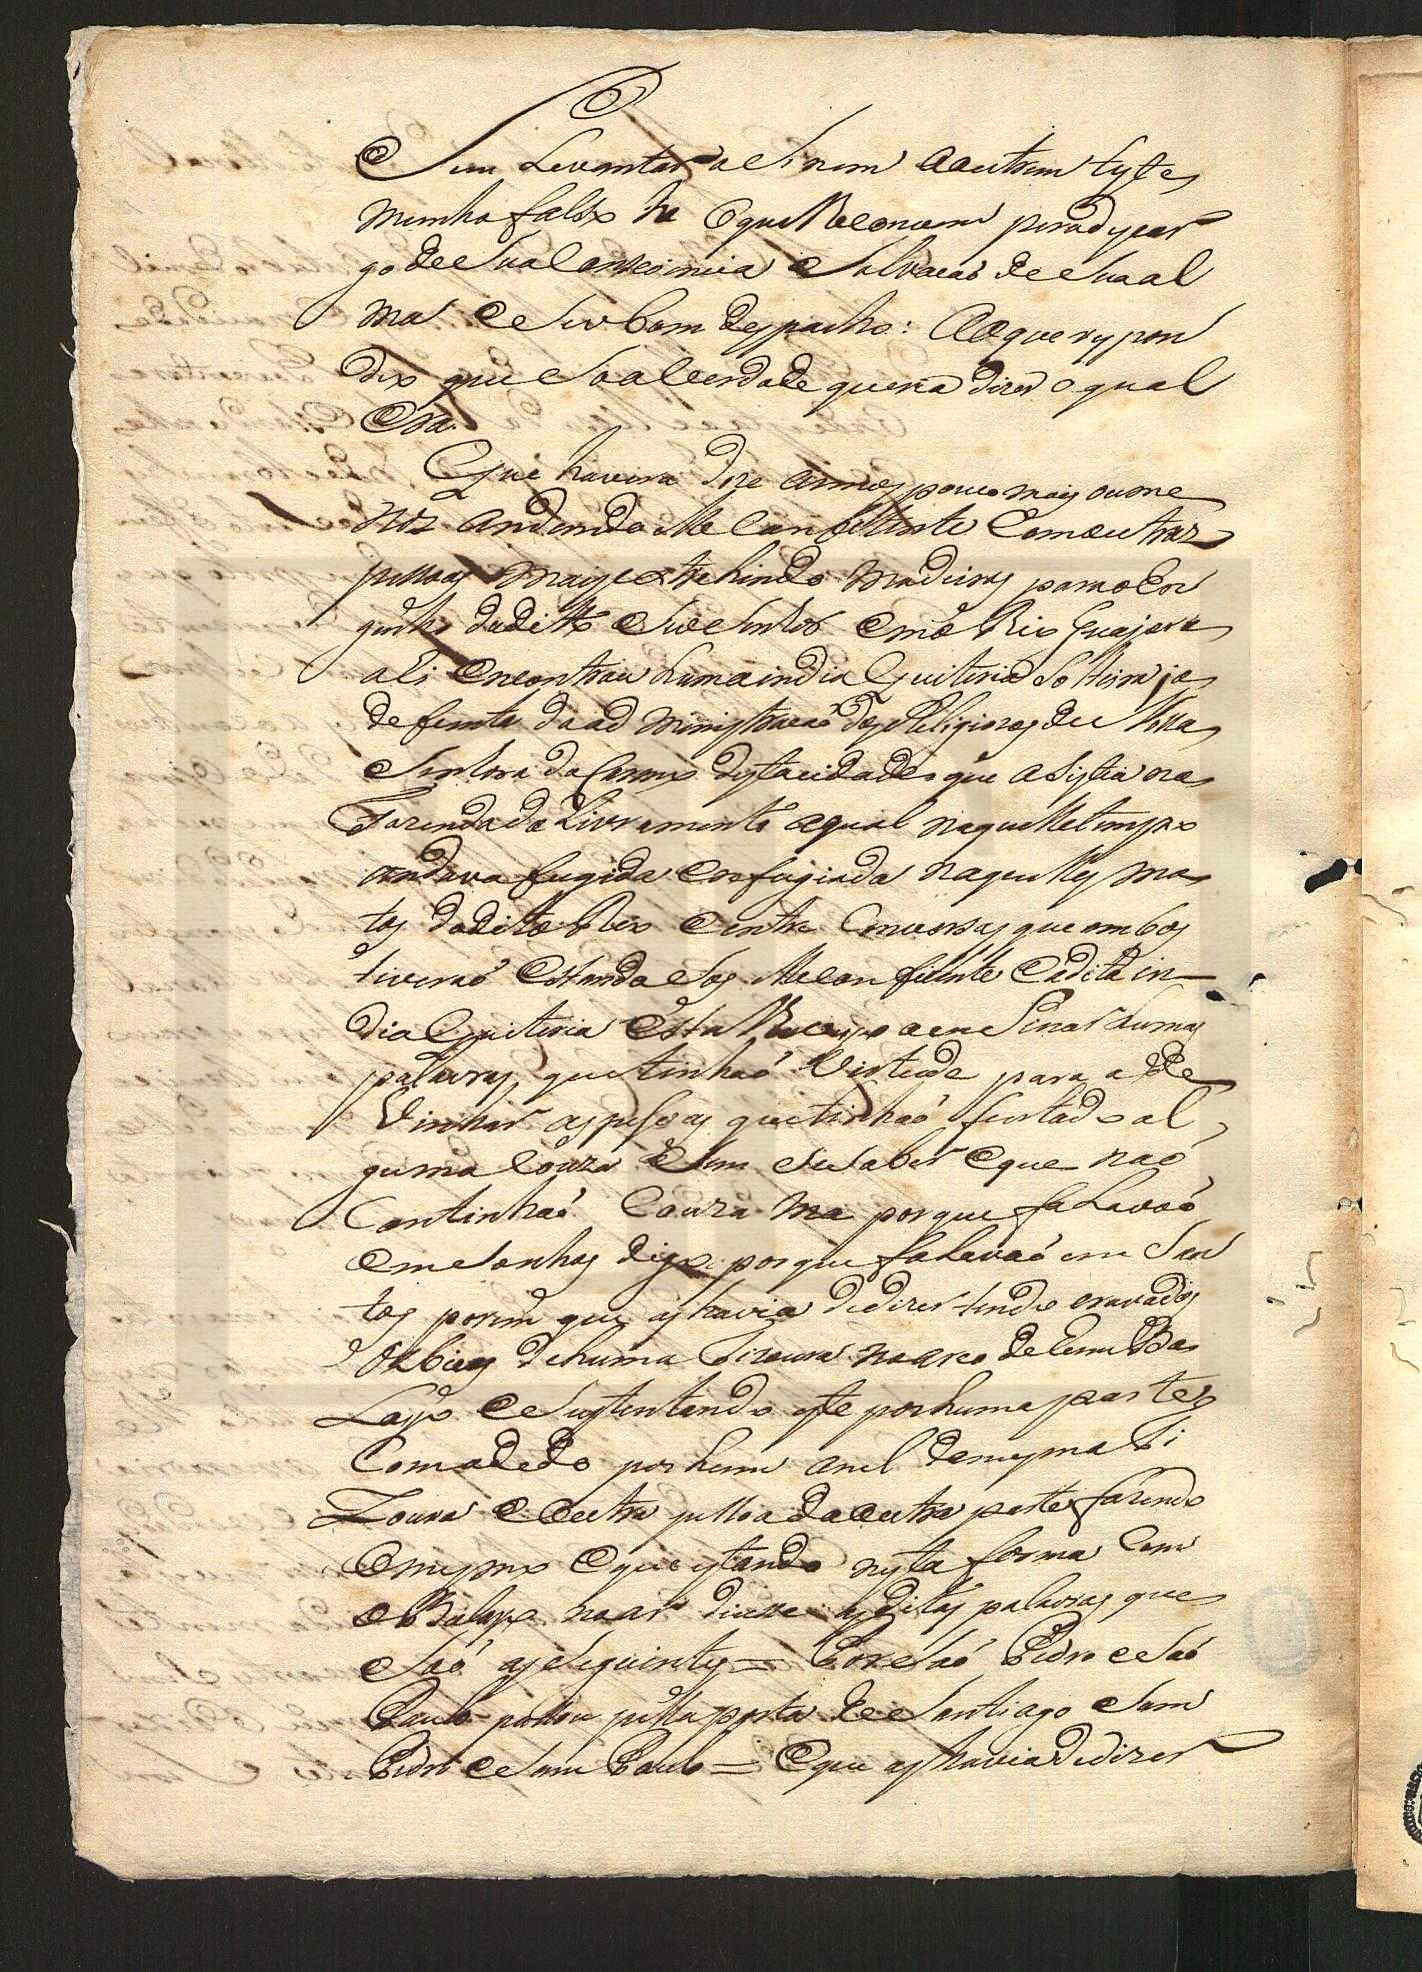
Sem Levantar aSi nem a outrem teste
munho falso he o que lhe convem pera descar
go de Sua Consciencia Salvacaõ de Sua al
ma e Seo bom despacho: Ao que respon
deo que So a Uerdade queria dizer o qual
Era.
Que havera doze annos pouco mais ou me
noz andando elle Confitente Com outraz
pessoas mais extrehindo madeiras para o En
genho do dito Sue Senhor em o Rio Guajare
ahi encontrou huma india Quiteria Solteira ja
defunta da administracaõ dos Religiozos de Nossa
Senhora do Carmo desta cidade que aSistia na
Fazenda do Livramento a qual naquelle tempo
andava fugida e refugiada naquelles ma
tos do dito Rio e entre Conversas que ambos
tiveraõ estando sos elle confitente e a dita in
dia Quiteria esta lhe ueyo a enSinar humas
palavras que tinhaõ Uirtude para ade
Vinhar as pessoas que tinhaõ furtado al
guma couza Sem se saber E que naõ
Continhaõ Couza ma porque falavaõ
em Sonhos digo porque falavaõ em san
tos porem que as havia de dizer tendo cravados
Oz bicos de huma Tizoura no arco de hum Ba
Layo e Sustentando este por huma parte
Com o dedo por hum anel de mesma Ti
Zoura e Outra pessoa da outra parte fazendo
O mesmo E que estando nesta forma com
o Balayo no ar dicesse as ditas palavras que
Saõ as seguintes= Por Saõ Pedro e Saõ
Paulo passou pella porta E Santiago Sam
Pedro e Sam Paulo= E que as havia de dizer
